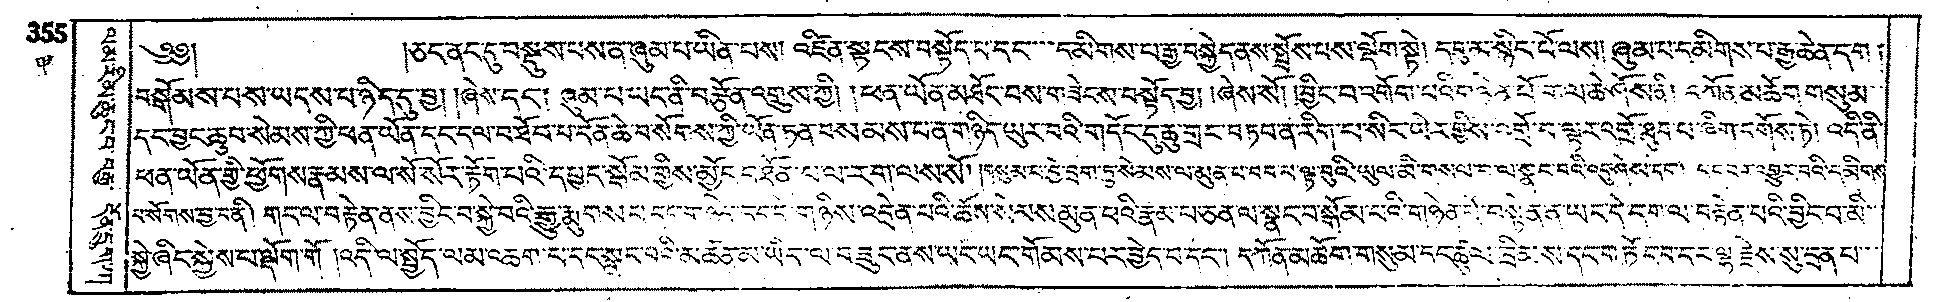༄༅། །ཅད་ནང་དུ་བསྡུས་པས་ན་ཞུམ་པ་ཡིན་པས། འཛིན་སྟངས་བསྟོད་པ་དངྡྨིགས་པ་རྒྱ་བསྐྱེད་ནས་སྤྲོས་པས་ལྡོག་སྟེ། དབུ་མ་སྙིང་པོ་ལས། ཞུམ་པ་དམིགས་པ་རྒྱ་ཆེན་དག །
བསྒོམས་པས་ཡངས་པ་ཉིད་དུ་བྱ། །ཞེས་དང་། ཞུམ་པ་ཡང་ནི་བརྩོན་འགྲུས་ཀྱི། །ཕན་ཡོན་མཐོང་བས་གཟེངས་བསྟོད་བྱ། །ཞེས་སོ། །བྱིང་བ་འགོག་པའི་གཉེན་པོ་གལ་ཆེ་ཤོས་ནི། དཀོན་མཆོག་གསུམ་
དང་བྱང་ཆུབ་སེམས་ཀྱི་ཕན་ཡོན་དང་དལ་བ་ཐོབ་པ་དོན་ཆེ་བ་སོགས་ཀྱི་ཡོན་ཏན་བསམས་པ་ན་གཉིད་ཡུར་བའི་གདོང་དུ་ཆུ་གྲང་བཏབ་ན་རིག་པ་སིང་ཡེར་གྱིས་འགྲོ་བ་ལྟར་འགྲོ་ཐུབ་པ་ཞིག་དགོས་ཏེ། འདི་ནི་
ཕན་ཡོན་གྱི་ཕྱོགས་རྣམས་ལ་སོ་སོར་རྟོག་པའི་དཔྱད་སྒོམ་གྱིས་མྱོང་བ་ཐོན་པ་ལ་རག་ལས་སོ། །གསུམ་པ་བྱེ་བྲག་ཏུ་སེམས་ལ་མུན་པ་བབ་པ་ལྟ་བུའི་ཡུལ་མི་གསལ་བ་ལ་སྣང་བའི་འདུ་ཤེས་དང་། དང་བར་འགྱུར་བའི་དམིགས་
པ་སོགས་བྱ་བ་ནི། གང་ལ་བརྟེན་ནས་བྱིང་བ་སྐྱེ་བའི་རྒྱུ་རྨུགས་པ་དང་གཉིད་དང་དེ་གཉིས་འདྲེན་པའི་ཆོས་སེམས་མུན་པའི་རྣམ་པ་ཅན་ལ་སྣང་བ་སྒོམ་པའི་གཉེན་པོ་བསྟེན་ན་ཡང་དེ་དག་ལ་བརྟེན་པའི་བྱིང་བ་མི་
སྐྱེ་ཞིང་སྐྱེས་པ་ལྡོག་གོ །འདི་ལ་སྤྱོད་ལམ་འཆག་པ་དང་སྣང་བའི་མཚན་མ་ཡིད་ལ་བཟུང་ནས་ཡང་ཡང་གོམས་པར་བྱེད་པ་དང་། དཀོན་མཆོག་གསུམ་དང་ཚུལ་ཁྲིམས་དང་གཏོང་བ་དང་ལྷ་རྗེས་སུ་དྲན་པ་